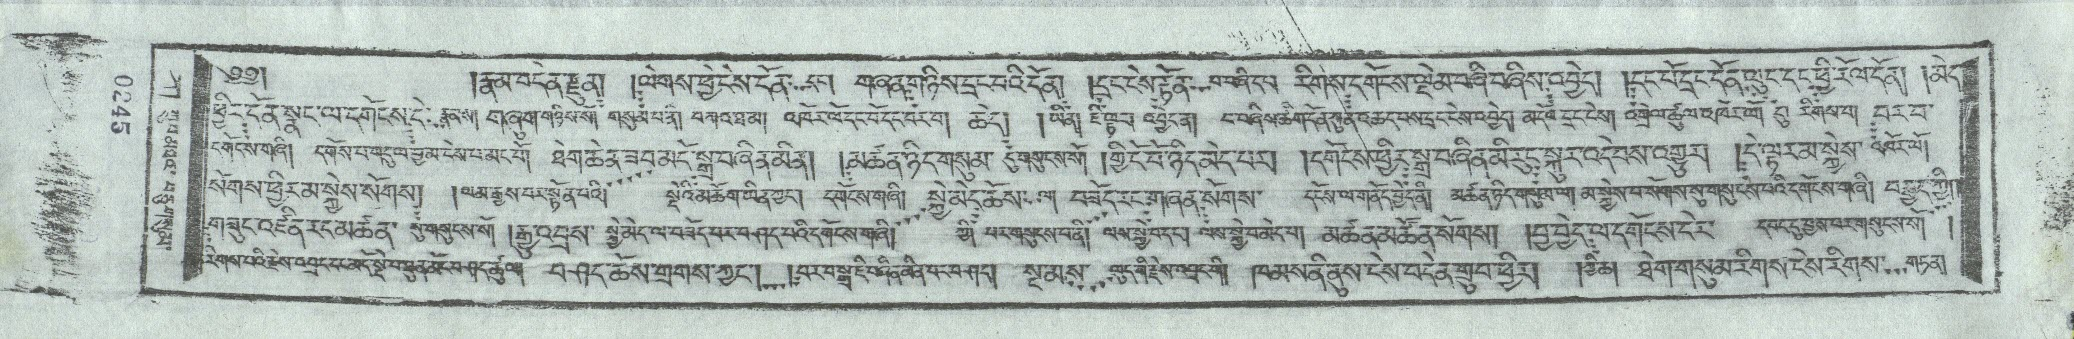༄༅། །རྣམ་བདེན་རྫུན། །ལེགས་ཕྱེ་ངེས་དོན་དང་། གཞན་གཉིས་དྲང་བའི་དོན། །དྲང་ངེས་རྟོན་བ་བཞི་དང་། རིགས་དགོངས་ལྡེམ་བཞི་བཞིས་འབྱེད། །དང་པོ་དྲང་དོན་ལུང་དང་ཕྱི་རོལ་དོན། མེད་
ཕྱིར་དོན་སྣང་ལ་དགོངས་དེ་རྣམས། གཞུག་གཉིས་སོ། གསུམ་པ་ནི། བཀའ་ཐམ། འཁོར་ལོ་དང་པོ་དང་བར་བ། ཚད། །ཡིན། ཇི་བྷ་འབྱེད་ན། པ་བཞིས་ཆེག་དོན་ཀུན་འཆང་པས་དྲང་ངེས་འབྱེད་དུ། མདོའི་དྲང་ངེས། འགྲེལ་ཚུལ་འཁོར་གོ་བུ་རིགས་ག་བར་བ།
དགོངས་གཞི། དགོས་པ་གདུལ་བྱམ་ངེས་པ་མང་བོ། ཐེག་ཆེན་ཟབ་མདོ་སྒྲ་བཞིན་མིན། །མཚན་ཉིད་གསུམ་དུ་གསུངས་སོ། །གྱི་ངོ་བོ་ཉིད་མེད་པར། །དགོངས་ཕྱིར་སྒྲ་བཞིན་མི་རུང་སྐུར་འདེབས་འགྱུར། །དེ་ལྟར་མ་སྐྱེས་འཁོར་ལོ།
སོགས་ཕྱིར་མ་སྐྱེས་སོགས། ལམ་རྒྱས་བར་བསྟོན་པའི། སྡེའི་མཆོག་ཡིན་ཀྱང་། དགོངས་གཞི། སྐྱེ་མེད་ཆོས་ལ། བཟོད་རང་གཞན་སོགས་དངོས་ལ་གནོད་བདེ་དི། མཚན་ཉིད་གསུམ་ལ། མ་སྐྱེས་པ་སོགས་སུ་གསུངས་པའི་དགོངས་གཞི། བརྒྱད་ཀྱི། །
གཟུང་འཛིན་རང་མཚན་སུ་གསུངས་སོ། །རྒྱུ་འབྲས་སྐྱེ་མེད་ལ་བཟོད་པར་བཤད་པའི་དགོངས་གཞི། ཀྱི། པར་གསུངས་པ་ནི། ལས་སྐྱེ་བ་དང་། ལས་སྐྱེ་བ་མེད་པ། མཚན་མཚོན་སོགས། །བྱ་བྱེད་ལ་དགོངས་ངེར། དབང་དུ་བྱས་པར་??པོ་
རིགས་པའི་རྗེས་འབྲང་དང་མདོ་སྡེ་པ་ཐུན་མོང་བཤད་ཚུལ། བཤད་ཆོས་གྲགས་ཀྱང་། །བར་བསྒྲ་ཇི་བཞིན་མིན་བང་བཤད། སྔ་མས་ལུད་ཞི་རྗེས་འབྲང་གི། ཁམས་ནི་ནུས་ངེས་བདེན་གྲུབ་ཕྱིར། །ཀྱི་ཆ། ཐེག་གསུམ་རིགས་ངེས་རིག། གཏན་